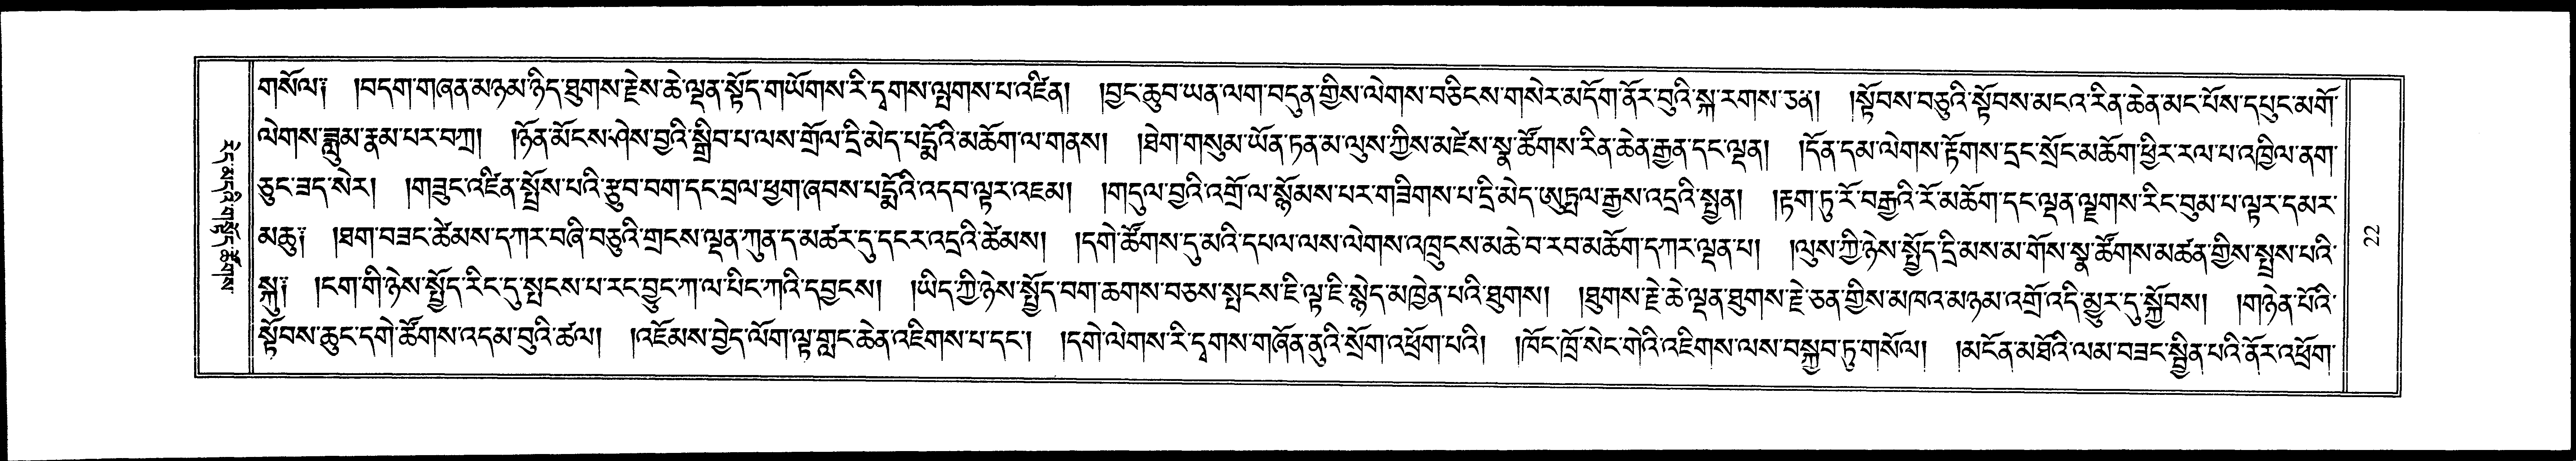གསོལ། །བདག་གཞན་མཉམ་ཉིད་ཐུགས་རྗེས་ཆེ་ལྡན་སྟོད་གཡོགས་རི་དྭགས་ལྤགས་པ་འཛིན། །བྱང་ཆུབ་ཡན་ལག་བདུན་གྱིས་ལེགས་བཅིངས་གསེར་མདོག་ནོར་བུའི་སྐ་རགས་ཅན། །སྟོབས་བཅུའི་སྟོབས་མངའ་རིན་ཆེན་མང་པོས་དཔུང་མགོ་
ལེགས་ཟླུམ་རྣམ་པར་བཀྲ། །ཉོན་མོངས་ཤེས་བྱའི་སྒྲིབ་པ་ལས་གྲོལ་དྲི་མེད་པདམོའི་མཆོག་ལ་གནས། །ཐེག་གསུམ་ཡོན་ཏན་མ་ལུས་ཀྱིས་མཛེས་སྣ་ཚོགས་རིན་ཆེན་རྒྱན་དང་ལྡན། །དོན་དམ་ལེགས་རྟོགས་དྲང་སྲོང་མཆོག་ཕྱིར་རལ་པ་འཁྱིལ་ནག་
ཅུང་ཟད་སེར། །གཟུང་འཛིན་སྤྲོས་པའི་རྩུབ་བག་དང་བྲལ་ཕྱག་ཞབས་པདམོའི་འདབ་ལྟར་འཇམ། །གདུལ་བྱའི་འགྲོ་ལ་སྙོམས་པར་གཟིགས་པ་དྲི་མེད་ཨུཏྤལ་རྒྱས་འདྲའི་སྤྱན། །རྟག་ཏུ་རོ་བརྒྱའི་རོ་མཆོག་དང་ལྡན་ལྗགས་རིང་བུམ་པ་ལྟར་དམར་
མཆུ། །ཐག་བཟང་ཚེམས་དཀར་བཞི་བཅུའི་གྲངས་ལྡན་ཀུན་ད་མཚར་དུ་དངར་འདྲའི་ཚེམས། །དགེ་ཚོགས་དུ་མའི་དཔལ་ལས་ལེགས་འཁྲུངས་མཆེ་བ་རབ་མཆོག་དཀར་ལྡན་པ། །ལུས་ཀྱི་ཉེས་སྤྱོད་དྲི་མས་མ་གོས་སྣ་ཚོགས་མཚན་གྱིས་སྤྲས་པའི་
སྐུ། །ངག་གི་ཉེས་སྤྱོད་རིང་དུ་སྤངས་པ་རང་བྱུང་ཀ་ལ་པིང་ཀའི་དབྱངས། །ཡིད་ཀྱི་ཉེས་སྤྱོད་བག་ཆགས་བཅས་སྤངས་ཇི་ལྟ་ཇི་སྙེད་མཁྱེན་པའི་ཐུགས། །ཐུགས་རྗེ་ཆེ་ལྡན་ཐུགས་རྗེ་ཅན་གྱིས་མཁའ་མཉམ་འགྲོ་འདི་མྱུར་དུ་སྐྱོབས། །གཉེན་པོའི་
སྟོབས་ཆུང་དགེ་ཚོགས་འདམ་བུའི་ཚལ། །འཇོམས་བྱེད་ལོག་ལྟ་གླང་ཆེན་འཇིགས་པ་དང་། །དགེ་ལེགས་རི་དྭགས་གཞོན་ནུའི་སྲོག་འཕྲོག་པའི། །ཁོང་ཁྲོ་སེང་གེའི་འཇིགས་ལས་བསྐྱབ་ཏུ་གསོལ། །མངོན་མཐོའི་ལམ་བཟང་སྦྱིན་པའི་ནོར་འཕྲོག་